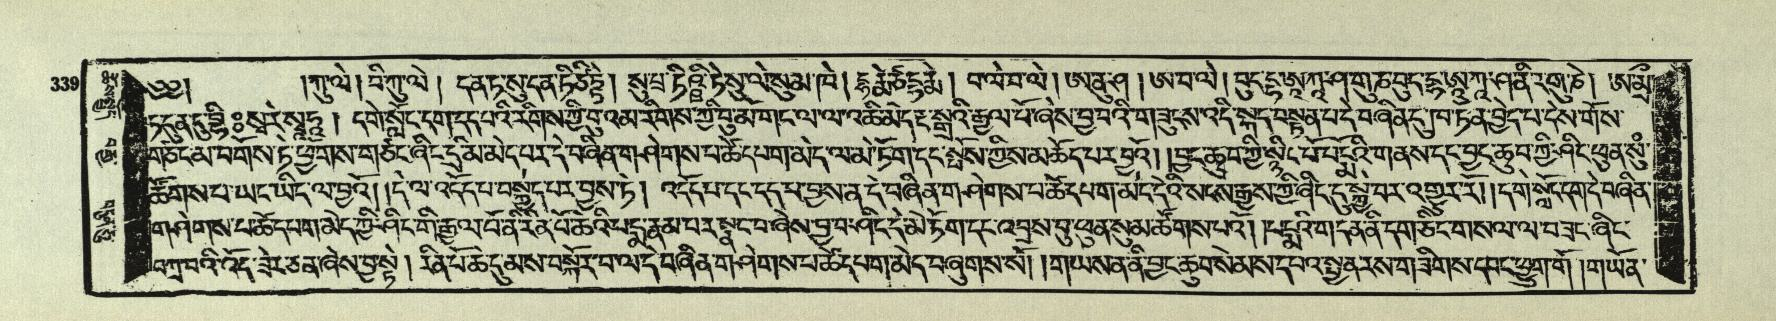༄༅། །ཀུ་ལེ། བི་ཀུ་ལེ། ད་ན་ཏ་སུ་དན་ཏི་ཙི་ཏཏེ། སུ་པྲ་ཏི་ཥྵི་ཏེ་སུ་ལེ་སུམ་ཁེ། དྷ་རྨེ་ཙ་དྷ་རྨེ། བ་ལེ་བ་ལེ། ཨ་ནུ་ཤ། ཨ་བ་ལེ། བུད་དྷ་ཨཱ་ཀཱ་ཤ་གུ་ཎ་བུད་དྷ་ཨཱ་ཀཱ་ཤ་ནི་ར་གུ་ཎེ། ཨ་མྲྀ་
ཏ་དུན་དུ་བྷིཿ སྭ་རེ་སྭཱ་ཧཱ། དགེ་སློང་དག་དད་པའི་རིགས་ཀྱི་བུ་འམ་རིགས་ཀྱི་བུ་མོ་གང་ལ་ལ་འཆི་མེད་རྔ་སྒྲའི་རྒྱལ་པོ་ཞེས་བྱ་བའི་གཟུངས་འདི་སྐད་བསྟན་པ་དེ་བཞིན་དུ་ཁ་ཏ་ན་བྱེད་པ་དེས་གོས་
གཙང་མ་བགོས་ཏེ་ཕྱོགས་གཙང་ཞིང་དྲི་མ་མེད་པར་དེ་བཞིན་གཤེགས་པ་ཚེ་དཔག་མེད་ལ་མེ་ཏོག་དང་སྤོས་ཀྱིས་མཆོད་པར་བྱའོ། །བྱང་ཆུབ་ཀྱི་སྙིང་པོ་པདམོའི་གནས་དང་བྱང་ཆུབ་ཀྱི་ཤིང་ཕུན་སུཾ་
ཚོགས་པ་ཡང་ཡིད་ལ་བྱའོ། །དེ་ལ་འདོད་པ་བསྐྱེད་པར་བྱས་ཏེ། འདོད་པ་དང་དད་པ་བྱས་ན་དེ་བཞིན་གཤེགས་པ་ཚེ་དཔག་མེད་དེའི་སངས་རྒྱས་ཀྱི་ཞིང་དུ་སྐྱེ་བར་འགྱུར་རོ། །དགེ་སློང་དག་དེ་བཞིན་
གཤེགས་པ་ཚེ་དཔག་མེད་ཀྱི་ཤིང་གི་རྒྱལ་པོ་ནི་རིན་པོ་ཆེའི་པདམ་རྣམ་པར་སྣང་བ་ཞེས་བྱ་བ་ཤིང་དེ་མེ་ཏོག་དང་འབྲས་བུ་ཕུན་སུམ་ཚོགས་པའོ། །པདམའི་གདན་ནི་དག་ཅིང་གསལ་ལ་བཟང་ཞིང་
བཀྲ་བའི་འོད་ཟེར་ཅན་ཞེས་བྱ་སྟེ། རིན་པོ་ཆེ་དུ་མས་བསྐོར་བ་ལ་དེ་བཞིན་གཤེགས་པ་ཚེ་དཔག་མེད་བཞུགས་སོ། །གཡས་ན་ནི་བྱང་ཆུབ་སེམས་དཔའ་སྤྱན་རས་གཟིགས་དབང་ཕྱུག་གོ །གཡོན་